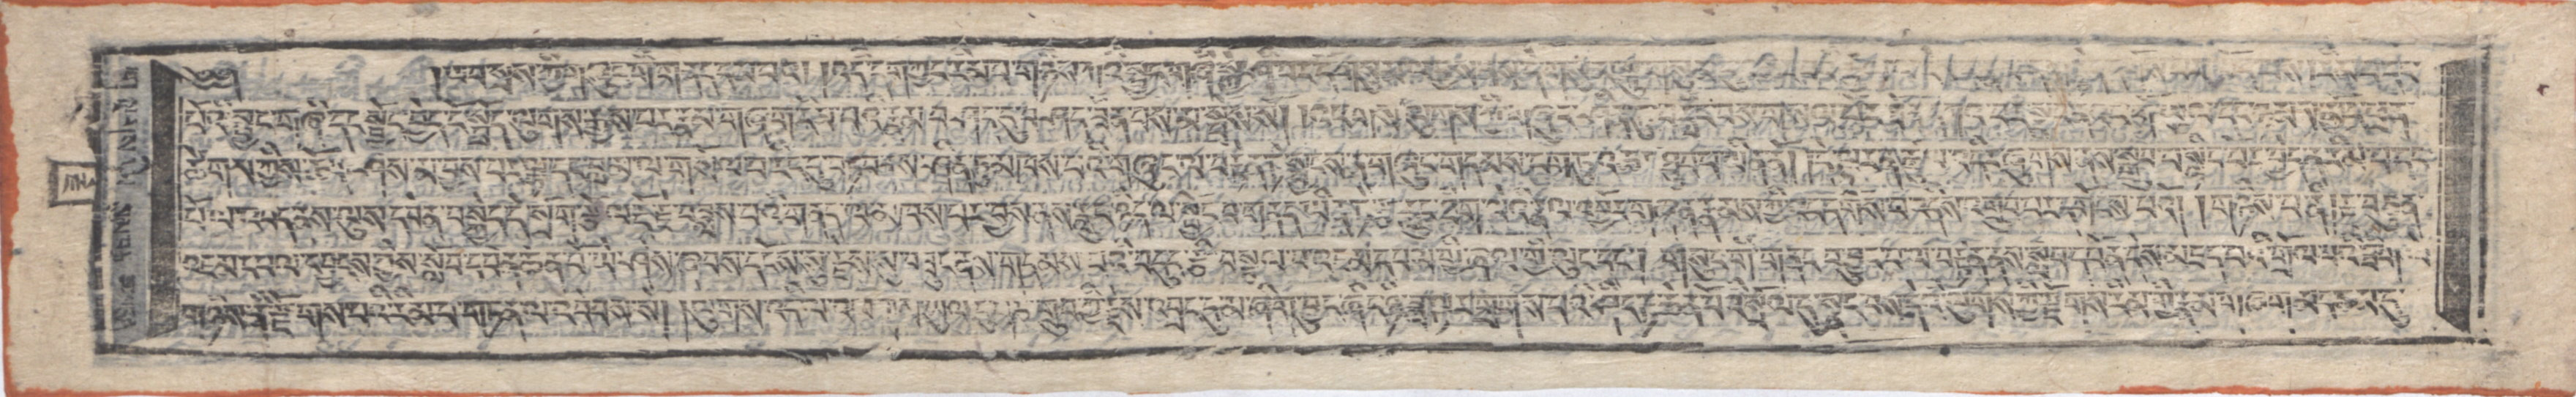༄༅། །ཡབ་སྲས་ཀྱི་གཞུང་གི་གནད་དམ་པའོ། །འདི་དག་ཀྱང་རིམ་པ་གཉིས་ཀའི་སྦྱང་གཞི་སྐྱེ་ཤི་བར་དོ་གསུམ་ལ་བྱས་ནས་དེ་གསུམ་སྐུ་གསུམ་དུ་འཆར་བའི་ཚུལ་ལ་ངེས་པ་རྣམ་དག་རྙེད་དགོས་པར་ཡོད་པས། རིམ་པ་དང་
པོའི་སྦྱང་གཞི་དང་སྦྱོང་བྱེད་ངོ་སྤྲོད་ལུགས་རྒྱས་པར་རྣམ་གཞག་རིམ་པའི་རྣམ་བཤད་དུ་བཤད་ཟིན་པས་མ་སྤྲོས་སོ། །འཕགས་ལུགས་ཀྱི་གཞུང་ཤིན་ཏུ་བརླིང་བས་གསལ་པོར་ཐོན་དཀའ་བར་སྣང་ནའང་གོ་ཡུལ་དང་ཉམས་མྱོང་ཕྲན་
ཚོགས་ཀྱིས་ཆོག་ཤེས་མ་བྱས་པར་ལྷ་དང་བླ་མ་ལ་གསོལ་བ་རིང་དུ་བཏབ་ནས་ཤིན་ཏུ་མཁས་པའི་གཞུང་ལ་བརྟེན་ཏེ་སྦྱངས་ན་གཞུང་གདམས་ངག་ཏུ་འཆར་ཐུབ་པ་ཡིན་ནོ། །དེ་ལྟར་ན་ཚུལ་འདིར་ཞུགས་ནས་སྒྲུབ་པ་སྙིང་པོར་བྱེད་ན་རིམ་པ་དང་
པོ་ལ་འབད་ནས་ལུས་དབེན་བསྐྱེད་དེ་སྲོག་རྩོལ་རྡོ་རྗེ་བཟླས་པའི་གནད་ལ་མཁས་པར་བྱས་ནས་རླུང་ཉིད་ལ་སྦྱོང་བ་གནད་ཡིན་ཏེ་རྩ་རླུང་ཐིག་ལེའི་རྣལ་འབྱོར་གཞན་རྣམས་ཀྱི་འང་དགོས་པ་འདིས་འགྲུབ་པར་དགོངས་པའོ། །གཉིས་པ་ནི། རྗེ་བཙུན་འ་
འཇམ་དཔལ་དབྱངས་ཀྱིས་སློབ་དཔོན་ཆེན་པོ་ཡེ་ཤེས་ཞབས་དངོས་སུ་རྗེས་སུ་བཟུང་ནས་གདམས་པའི་བདུད་རྩི་བསྩལ་བ་འཇམ་དཔལ་གྱི་ཞལ་གྱི་ལུང་དང་། གསུང་གི་གནང་བ་བྱུང་བ་ལ་བརྟེན་ནས་སློབ་དཔོན་དེས་མཛད་པའི་གྲོལ་པའི་ཐིག་ལེ་
གཉིས་ནི་རྫོགས་པའི་རིམ་པ་གཏན་ལ་འབེབས་སོ། །ལུགས་འདི་ལ་འཕགས་ཡུལ་དུ་པཎ་གྲུབ་ཀྱི་རྗེས་འབྲང་དུ་མ་ཞིག་བྱུང་ཞིང་ཉི་ཟླ་ལྟར་གྲགས་པའི་ཤིང་རྟ་ཆེན་པོའི་སྲོལ་དུ་སྣང་བས་དེའི་ལུགས་ཀྱི་རྫོགས་རིམ་གྱི་རྣམ་གཞག་མེད་ཙམ་དུ་